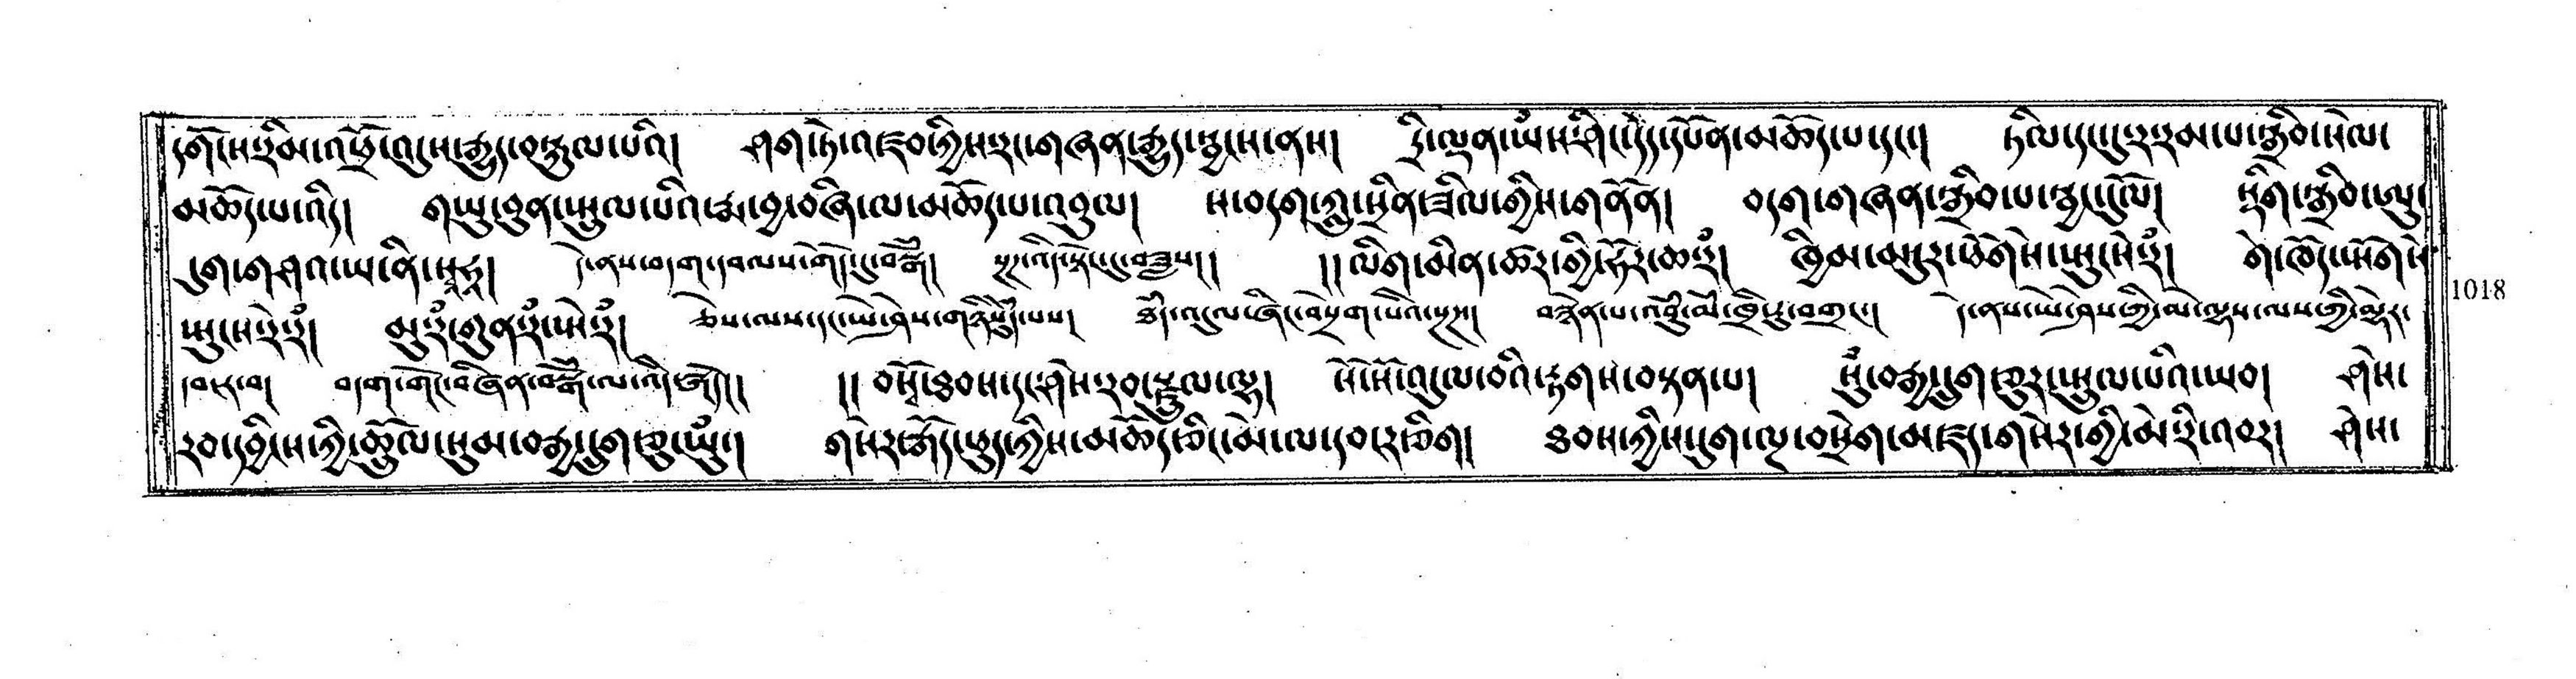དགོངས་རིམ་འཕྲོ་འདུས་རྒྱུད་བསྐུལ་པའི། ཤག་ཏེ་འཛབ་ཀྱིས་རང་གཞན་རྒྱུད་སྦྱངས་ནས། དྲི་ལྡན་ཡམས་ཤིང་དེད་དཔོན་མཆོད་པ་དང་། ཏིལ་དང་དུ་ར་རམ་པ་སྒྲིབ་སེལ་
མཆོད་པ་འདི། གཡུ་བུན་སྤྲུལ་པའི་རྨ་བྱ་བཞི་ལ་མཆོད་པ་འབུལ། ས་བདག་ཀླུ་སྲིན་ཟིལ་གྱིས་གནོན། བདག་གཞན་སྒྲིབ་པ་སྦྱང་དུ་གསོལ། སྡིག་སྒྲིབ་ཨུ་
དུག་གཤའ་ཡ་ནི་སྭཱཧཱ། དེ་ནས་བདག་དབལ་གསས་གེ་ཁོད་དུ་བསྒོམ། སྔགས་འདི་སྟེང་དུ་བཟླས། །།ལིག་མིན་ཚར་གྱི་ཧོར་ཆ་རཾ། ཁྱིམ་མདུར་ཕོགསེ་སྤུངསེ་རཾ། གེ་ཁོད་སྤོགསེ་
སྤུངས་རེ་རཾ། མུ་རཾ་གུན་རཾ་སྤེ་རཾ། ཅེས་ལས་དང་ཡེ་ཤེས་གཉིས་སུ་མེད་པས། ཐམས་ཅད་འདུལ་ཞིང་བསྲེག་པའི་སྔགས། བསྙེན་པ་འབུམ་མམ་ཁྲི་རུ་བགྲང་། དེ་ནས་ཡེ་ཤེས་ཀྱི་མེ་ལྷས་ལས་ཀྱི་མེ་ལྷར་
དབང་བསྐུར་བ། བདག་གོང་བཞིན་བསྒོམ་ལ་འདི་སྐད་དོ།། །།བསྭོ་ཐབས་དང་ཤེས་རབ་རྫུ་འཕྲུལ་ལྷ། སོ་སོ་འདུལ་བའི་རྟགས་བསྟན་པ། སུམ་བརྒྱ་དྲུག་ཅུར་སྤྲུལ་པའི་ཡབ། ཤེས་
རབ་དབྱིངས་ཀྱི་ཆོ་འཕྲུལ་སུམ་བརྒྱ་དྲུག་ཅུ་ཡུམ། གསེར་རྒོད་ཕུད་ཀྱིས་མཆོད་ཅིང་མེ་ལ་དབང་བསྐུར་ཅིག ཐབས་ཀྱིས་དུག་ལྔ་བསྲེག་མཛད་གསེར་གྱི་མེ་རི་འབར། ཤེས་